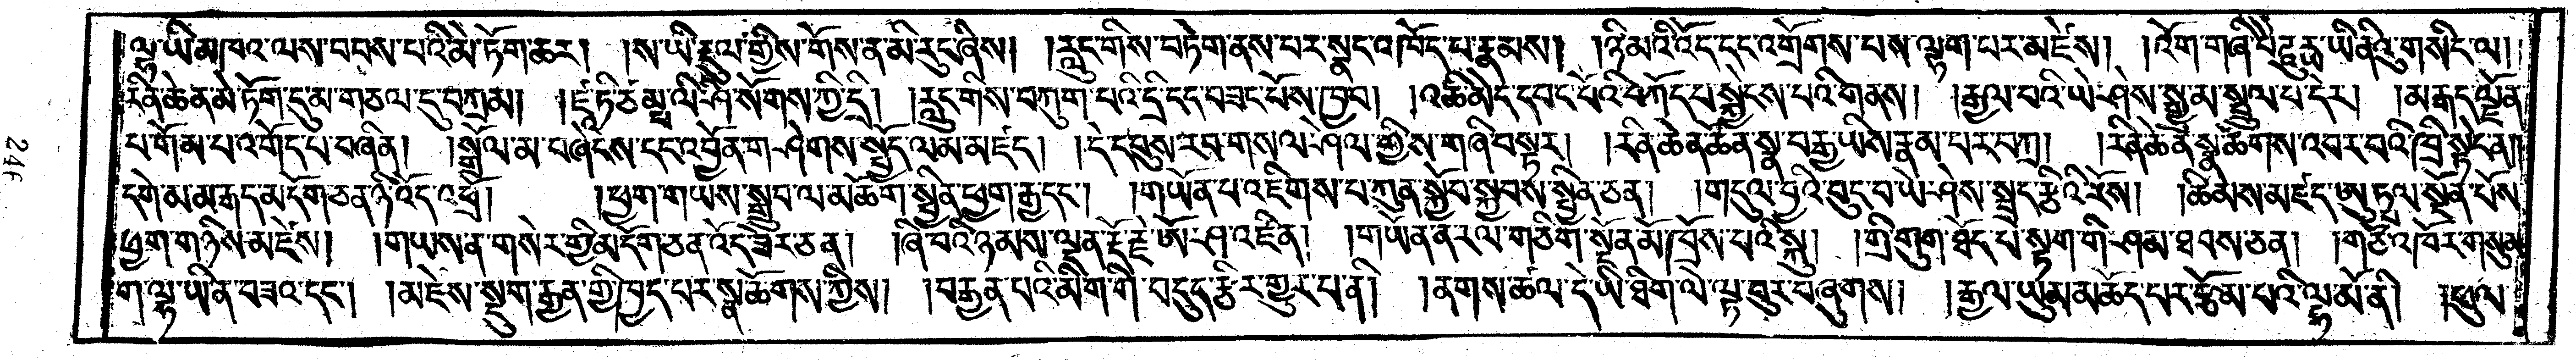ལྷ་ཡི་མཁའ་ལས་བབས་པའི་མེ་ཏོག་ཆར། །ས་ཡི་རྡུལ་གྱིས་གོས་ན་མི་རུང་ཞིས། །རླུང་གིས་བཏེག་ནས་བར་སྣང་འཁོད་པ་རྣམས། །ཉི་མའི་འོད་དང་འགྲོགས་པས་ལྷག་པར་མཛེས། །འོག་གཞི་བཻཌཱུརྱ་ཡི་ནིའུ་གསིང་ལ།།
རིན་ཆེན་མེ་ཏོག་དུ་མ་གཅལ་དུ་བཀྲམ། །ཛཱ་ཏི་ཙམ་པ་ལི་ཤི་སོགས་ཀྱི་དྲི། །རླུང་གིས་བཀུག་པའི་དྲི་ངད་བཟང་པོས་ཁྱབ། །འཆི་མེད་དབང་པོའི་བཀོད་པ་སྐྱེངས་པའི་གནས། །རྒྱལ་བའི་ཡེ་ཤེས་སྒྱུ་མ་སྤྲུལ་པ་དེར། །མྲྒད་ལྗོན་
པ་གོམ་པ་འགོད་པ་བཞིན། །སྒྲོལ་མ་བཞེངས་དང་འབྱོན་གཤེགས་སྤྱོད་ལམ་མཛད། །དེ་དབུས་རབ་གསལ་ཤེལ་གྱིས་གཞི་བསྟར། །རིན་ཆེན་ཚོན་སྣ་བརྒྱ་ཡིས་རྣམ་པར་བཀྲ། །རིན་ཆེན་སྣ་ཚོགས་འབར་བའི་ཁྲི་སྟེང་ན། །
དགེ་མ་མ་རྒད་མདོག་ཅན་ཉི་འོད་འཕྲོ། །ཕྱག་གཡས་སྒྲུབ་ལ་མཆོག་སྦྱིན་ཕྱག་རྒྱ་དང་། །གཡོན་པ་འཇིགས་པ་ཀུན་སྐྱོབ་སྐྱབས་སྦྱིན་ཅན། །གདུལ་བྱའི་བུང་བ་ཡེ་ཤེས་སྦྲང་རྩིའི་རོས། །ཚིམས་མཛད་ཨུཏྤལ་སྔོན་པོས་
ཕྱག་གཉིས་མཛེས། །གཡས་ན་གསེར་གྱི་མདོག་ཅན་འོད་ཟེར་ཅན། །ཞི་བའི་ཉམས་ལྡན་རྡོ་རྗེ་ཨོ་ཤ་འཛིན། །གཡོན་ན་རལ་གཅིག་སྔོན་མོ་ཁྲོས་པའི་སྐུ། །གྲི་གུག་ཐོད་པ་སྟག་གི་ཤམ་ཐབས་ཅན། །གཙོ་འཁོར་གསུམ་
ག་ལྷ་ཡིན་བཟའ་དང་། །མཛེས་སྡུག་རྒྱན་གྱི་ཁྱད་པར་སྣ་ཚོགས་ཀྱིས། །བརྒྱན་པའི་མིག་གི་བདུད་རྩིར་གྱུར་པ་ནི། །ནགས་ཚལ་དེ་ཡི་ཐིག་ལེ་ལྟ་བུར་བཞུགས། །རྒྱལ་ཡུམ་མཆོད་པར་རྩོམ་པའི་ལྷ་མོ་ནི། །ཕུལ་